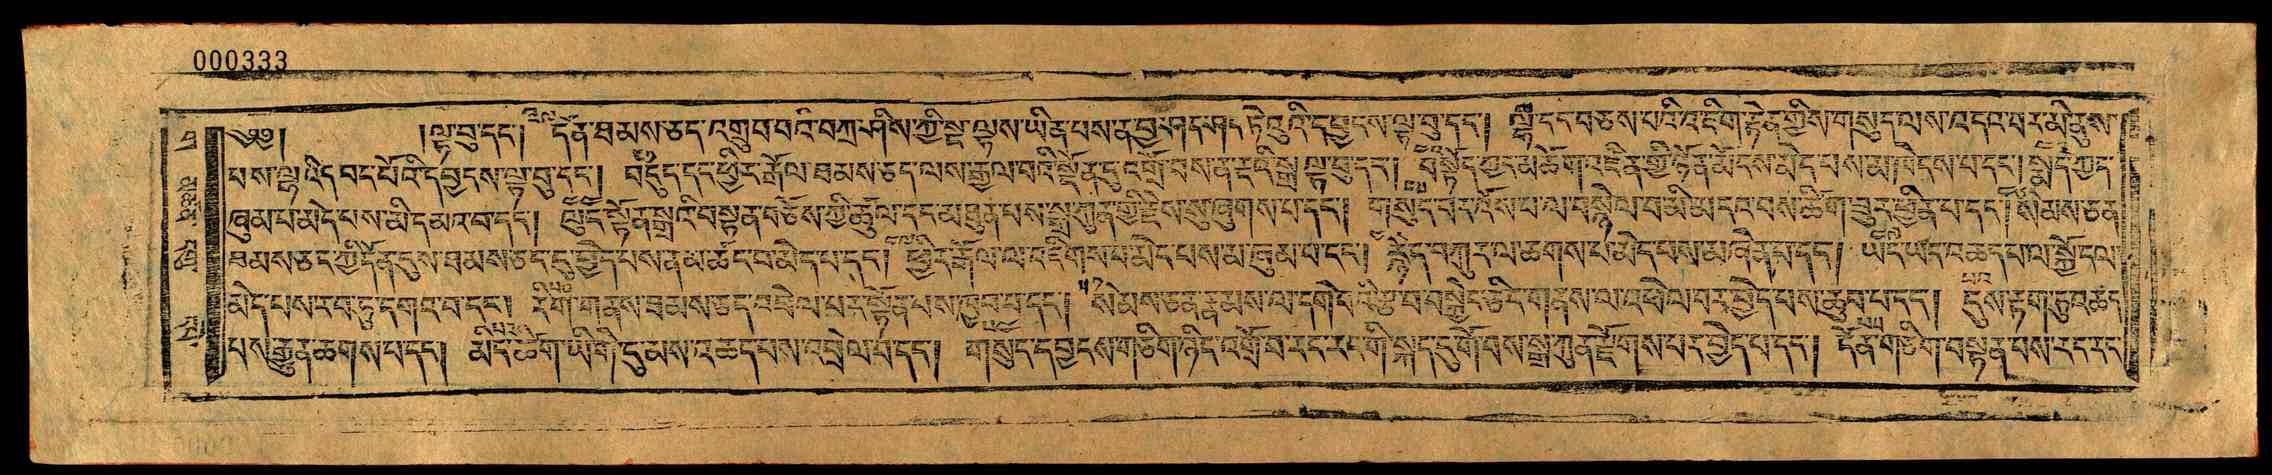༄༅། །ལྟ་བུ་དང་། ༣༩་དོན་ཐམས་ཅད་འགྲུབ་པའི་བཀྲ་ཤིས་ཀྱི་སྔ་ལྟས་ཡིན་པས་ན་བྱ་ཤང་ཤང་ཏེའུའི་དབྱངས་ལྟ་བུ་དང་། ༤༠་ལྷ་དང་བཅས་པའི་འཇིག་རྟེན་གྱིས་གསུང་ལས་འདའ་བར་མི་ནུས་
པས་ལྷའི་དབང་པོའི་དབྱངས་ལྟ་བུ་དང་། ༤༡་བདུད་དང་ཕྱིར་རྒོལ་ཐམས་ཅད་ལས་རྒྱལ་བའི་སྔོན་དུ་འགྲོ་བས་ན་རྔའི་སྒྲ་ལྟ་བུ་དང་། ༤༢་བསྟོད་ཀྱང་མཆོག་འཛིན་གྱི་ཉོན་མོངས་མེད་པས་མ་ཁེངས་པ་དང་། ༤༣་སྨད་ཀྱང་
ཞུམ་པ་མེད་པས་མི་དམའ་བ་དང་། ༤༤་ལུང་སྟོན་སྒྲའི་བསྟན་བཅོས་ཀྱི་ཚུལ་དང་མཐུན་པས་སྒྲ་ཀུན་གྱི་རྗེས་སུ་ཞུགས་པ་དང་། ༤༥་གསུང་པར་འོས་པ་ལ་བསྙེལ་བ་མི་མངའ་བས་ཚིག་ཟུར་ཕྱིན་པ་དང་། ༤༦་སེམས་ཅན་
ཐམས་ཅད་ཀྱི་དོན་དུས་ཐམས་ཅད་དུ་བྱེད་པས་ན་མ་ཚང་བ་མེད་པ་དང་། ༤༧་ཕྱིར་རྒོལ་ལ་འཇིགས་པ་མེད་པས་མ་ཞུམ་པ་དང་། ༤༨་རྙེད་བཀུར་ལ་ཆགས་པ་མེད་པས་མ་ཞེན་པ་དང་། རྙེད་བཀུར་ལ་ཆགས་པ་མེད་པས་མ་ཞེན་པ་དང་། ༤༩་ཡང་ཡང་འཆད་པ་ལ་སྐྱོ་ངལ་
མེད་པས་རབ་ཏུ་དགའ་བ་དང་། ༥༠་རིག་གནས་ཐམས་ཅད་འབྲེལ་བར་སྟོན་པས་ཁྱབ་པ་དང་། སེམས་ཅན་རྣམས་ལ་དགེ་བའི་རྩ་བ་བསྐྱེད་ཅིང་གནས་ལ་འཕེལ་བར་བྱེད་པས་ཆུབ་པ་དང་། ༥༢་དུས་རྟག་ཏུ་འཆད་
པས་རྒྱུན་ཆགས་པ་དང་། ༥༣་མིང་ཚིག་ཡི་གེ་དུ་མས་འཆད་པས་འབྲེལ་བ་དང་། ༥༤་གསུང་དབྱངས་གཅིག་ཉིད་འགྲོ་བ་རང་རང་གི་སྐད་དུ་གོ་བས་སྒྲ་ཀུན་རྫོགས་པར་བྱེད་པ་དང་། དོན་གཅིག་བསྟན་པས་རང་རང་